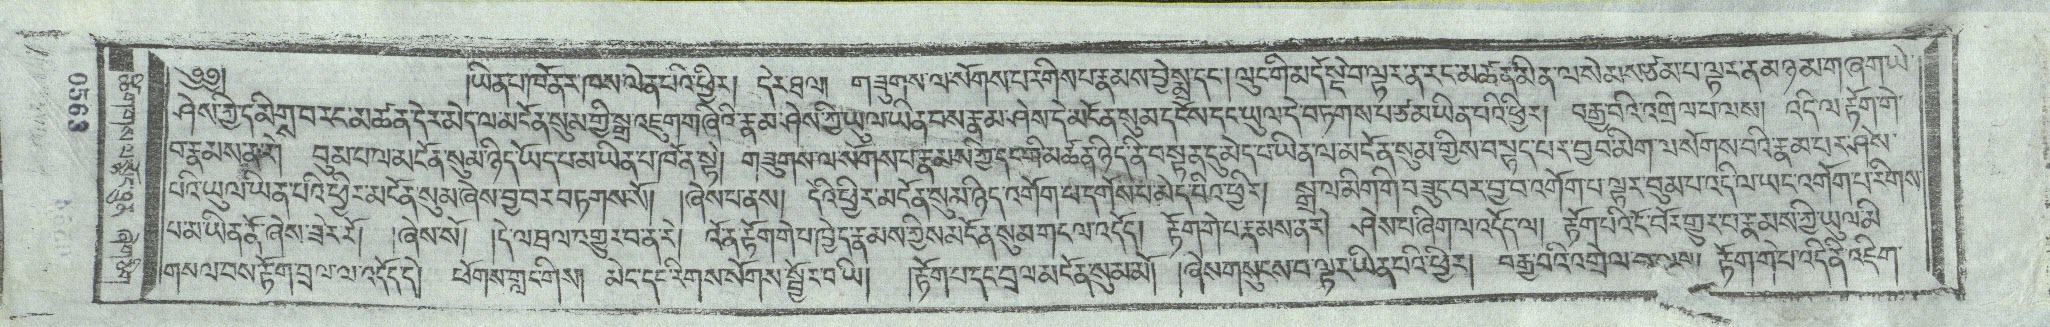༄༅། །ཡིན་པ་ཁོ་ནར་ཁས་ལེན་པའི་ཕྱིར། དེར་ཐལ། གཟུགས་ལ་སོགས་པ་རིགས་པ་རྣམས་བྱེ་སྨྲ་དང་། ལུང་གི་མདོ་སྡེ་བ་ལྟར་ན་རང་མཚན་མིན་ལ་སེམས་ཙམ་པ་ལྟར་ན་མཉམ་གཞག་ཡེ་
ཤེས་ཀྱི་དམིགས་པ་རང་མཚན་དེར་མེད་ལ་མངོན་སུམ་གྱི་སྒྲ་འཇུག་གཞིའི་རྣམ་ཤེས་ཀྱི་ཡུལ་ཡིན་པས་རྣམ་ཤེས་དེ་མངོན་སུམ་དངོས་དང་ཡུལ་དེ་བཏགས་པ་ཙམ་ཡིན་པའི་ཕྱིར། བརྒྱ་བའི་འགྲེལ་པ་ལས། འདི་ལ་རྟོག་གེ་
བ་རྣམས་ན་རེ། བུམ་པ་ལ་མངོན་སུམ་ཉིད་ཡོད་པ་མ་ཡིན་པ་ཁོ་ན་སྟེ། གཟུགས་ལ་སོགས་པ་རྣམས་ཀྱི་དང་གི་མཚན་ཉིད་ནི་བསྟན་དུ་མེད་པ་ཡིན་ལ་མངོན་སུམ་གྱིས་བསྟད་པར་བྱ་བ་མིག་ལ་སོགས་པའི་རྣམ་པར་ཤེས་
པའི་ཡུལ་ཡིན་པའི་ཕྱིར་མངོན་སུམ་ཞེས་བྱ་བར་བཏགས་སོ། །ཞེས་པ་ནས། དེའི་ཕྱིར་མངོན་སུམ་ཉིད་འགོག་པ་དགོས་པ་མེད་པའི་ཕྱིར། སྒྲ་ལ་མིག་གི་བཟུང་བར་བྱ་བ་འགོག་པ་ལྟར་བུམ་པ་འདི་ལ་ཡང་འགོག་པ་རིགས་
པ་མ་ཡིན་ནོ་ཞེས་ཟེར་རོ། །ཞེས་སོ། །དེ་ལ་ཐལ་འགྱུར་བ་ན་རེ། འོ་ན་རྟོག་གེ་པ་ཁྱེད་རྣམས་ཀྱིས་མངོན་སུམ་གང་ལ་འདོད། རྟོག་གེ་པ་རྣམས་ན་རེ། ཤེས་པ་ཞིག་ལ་འདོད་ལ། རྟོག་པའི་ངོ་བོར་གྱུར་པ་རྣམས་ཀྱི་ཡུལ་མི་
གསལ་བས་རྟོག་བྲལ་ལ་འདོད་དེ། ཕྱོགས་གླང་གིས། མེད་དང་རིགས་སོགས་སྦྱོར་བ་ཡི། །རྟོག་པ་དང་བྲལ་མངོན་སུམ་མོ། །ཞེས་གསུངས་པ་ལྟར་ཡིན་པའི་ཕྱིར། བརྒྱ་བའི་འགྲེལ་བ་ལས། རྟོག་གེ་པ་འདི་ནི་འཇིག་